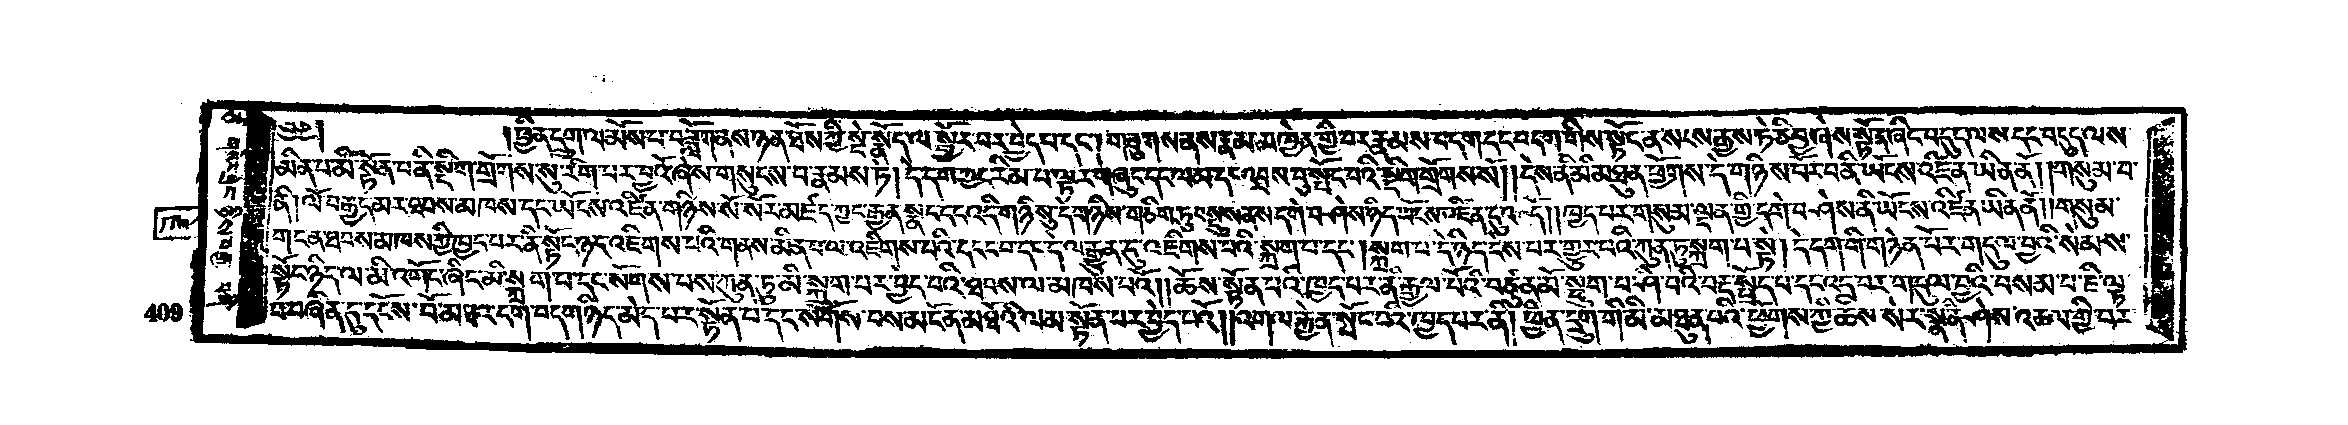༄༅། །ཕྱིན་དྲུག་ལ་མོས་པ་བཟློག་ནས་ཉན་ཐོས་ཀྱི་སྡེ་སྣོད་ལ་སྦྱོར་བར་བྱེད་པ་དང་། གཟུགས་ནས་རྣམ་མཁྱེན་གྱི་བར་རྣམས་བདག་དང་བདག་གིས་སྟོང་ན་སངས་རྒྱས་ཏེ་ཅི་བྱ་ཞེས་སྟོན་ཞིང་བདུད་ལས་དང་བདུད་ལས་
མིན་པ་མི་སྟོན་པ་ནི་སྡིག་གྲོགས་སུ་རིག་པར་བྱའོ་ཞེས་གསུངས་པ་རྣམས་ཏེ། དེ་དག་ཀྱང་རིམ་པ་ལྟར་གཞུང་དང་ལམ་དང་འབྲས་བུ་སྤོང་བའི་སྡིག་གྲོགས་སོ། །དེས་ནི་མི་མཐུན་ཕྱོགས་དེ་གཉིས་པོར་བ་ནི་ཡོངས་འཛིན་ཡིན་ནོ། །གསུམ་པ་
ནི། ལོ་བརྒྱད་མར་ཐབས་མཁས་དང་ཡོངས་འཛིན་གཉིས་སོ་སོར་མཛད་ཀྱང་རྒྱན་སྣང་དང་འདི་གཉིས་སུ་དེ་གཉིས་གཅིག་ཏུ་བསྡུས་ནས་དགེ་བཤེས་ཉིད་ཡོངས་འཛིན་དུ་འཆད་དོ། །ཁྱད་པར་གསུམ་ལྡན་གྱི་དགེ་བཤེས་ནི་ཡོངས་འཛིན་ཡིན་ནོ། །གསུམ་
གང་ན་ཐབས་མཁས་ཀྱི་ཁྱད་པར་ནི་སྟོང་ཉིད་འཇིགས་པའི་གནས་མིན་པ་ལ་འཇིགས་པའི་དངང་བ་དང་དེ་ལ་རྒྱུན་དུ་འཇིགས་པའི་སྐྲག་པ་དང་། སྐྲག་པ་དེ་ཉིད་ངེས་པར་གྱུར་པའི་ཀུན་ཏུ་སྐྲག་པ་སྟེ། དེ་དག་གི་གཉེན་པོར་གདུལ་བྱའི་སེམས་
སྟོང་ཉིད་ལ་མི་འགོང་ཞིང་མི་སྐྲག་པ་དང་སོགས་པས་ཀུན་ཏུ་མི་སྐྲག་པར་བྱེད་པའི་ཐབས་ལ་མཁས་པའོ། །ཆོས་སྟོན་པའི་ཁྱད་པར་ནི་རྒྱལ་པོའི་བཙུན་མོ་སྡུག་པ་ཤི་བའི་བརྡ་སྤྲོད་པ་དང་འདྲ་བར་གདུལ་བྱའི་བསམ་པ་ཇི་ལྟ་
བ་བཞིན་དུ་དངོས་པོ་མཐའ་དག་བདག་ཉིད་མེད་པར་སྟོན་པ་དང་སོགས་པས་མངོན་མཐོའི་ལམ་སྟོན་པར་བྱེད་པའོ། །འགལ་རྐྱེན་སྤོང་བའི་ཁྱད་པར་ནི། ཕྱིན་དྲུག་གི་མི་མཐུན་པའི་ཕྱོགས་ཀྱི་ཆོས་སེར་སྣ་ནི་ཤེས་འཆལ་གྱི་བར་